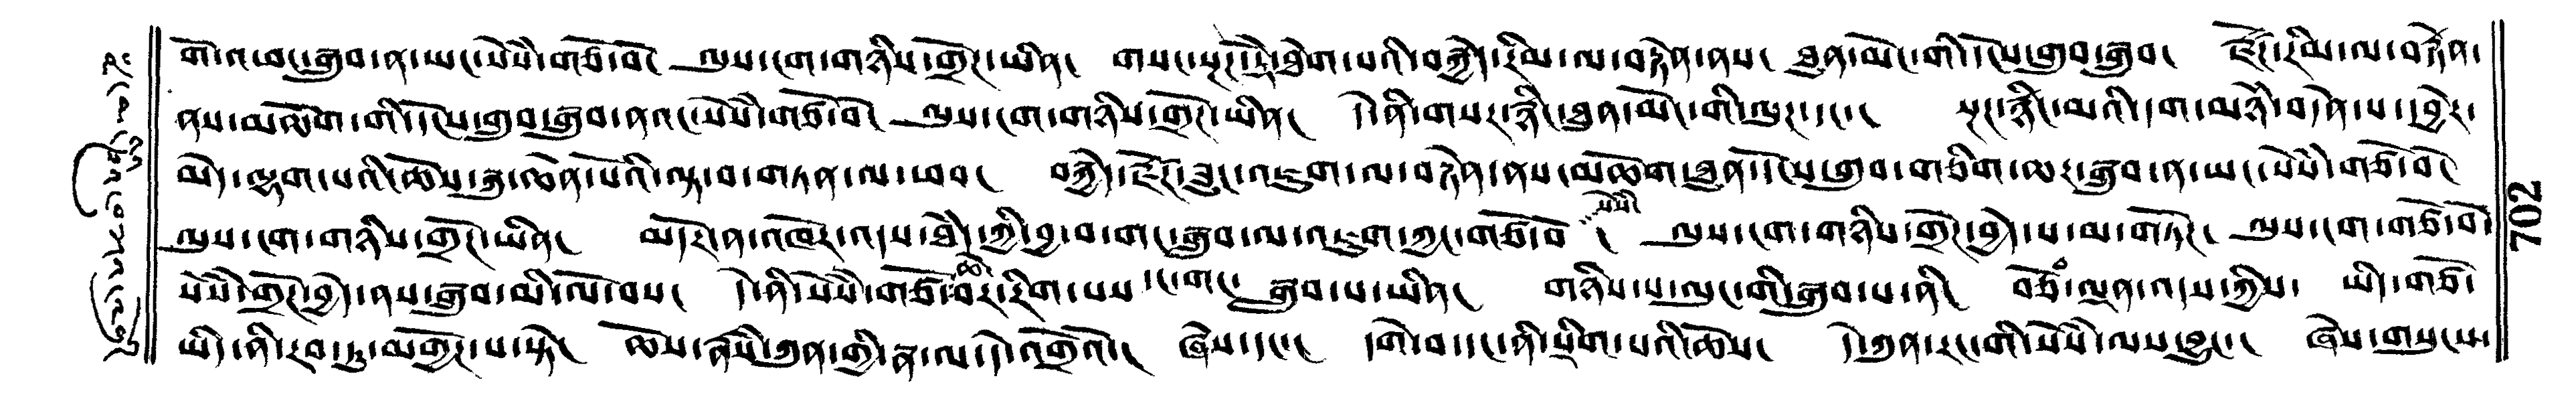གོ་འཕང་སྒྲུབ་ན་ཡང་སེམས་གཙོ་བོ། ལུས་ངག་ཉིས་གྲོགས་ཡིན། གསང་སྔགས་རྡོ་རྗེ་ཐེག་པའི་བསྐྱེད་རིམ་ལ་བརྟེན་ནས། ཐུན་མོང་གི་དངོས་གྲུབ་སྒྲུབ། རྫོགས་རིམ་ལ་བརྟེན་
ནས་མཆོག་གི་དངོས་གྲུབ་སྒྲུབ་ནའང་སེམས་གཙོ་བོ། ལུས་ངག་གཉིས་གྲོགས་ཡིན། དེ་ནི་གསར་རྙིང་ཐུན་མོང་གི་ལུགས་དང་། སྔགས་རྙིང་མའི་དག་མཉམ་བདེན་པ་དབྱེར་
མེད་ལྷག་པའི་ཆོས་སྐུ་ཆེན་པོའི་ལྟ་བ་གཏན་ལ་ཕབ། བསྐྱེད་རྫོགས་ཟུང་འཇུག་ལ་བརྟེན་ནས་མཆོག་ཐུན་དངོས་གྲུབ་གཅིག་ཆར་སྒྲུབ་ན་ཡང་སེམས་གཙོ་བོ་
ལུས་ངག་གཉིས་གྲོགས་ཡིན།མདོར་ན་འཁོར་འདས་ཐམས་ཅད་ཀྱི་བྱ་བ་གང་དང་གང་སྒྲུབ་ལ་འཇུག་ཀྱང་གཙོ་བོ་སེམས། ལུས་ངག་གཉིས་གྲོགས་བྱེད་པ་མ་གཏོགས། ལུས་ངག་གཙོ་བོ་
སེམས་གྲོགས་བྱེད་ནས་སྒྲུབ་མི་ལོ་བས། དེ་ནི་སེམས་ཙོ་ཆེ་བར་རིག་པས་སྒྲུབ་པ་ཡིན། གཉིས་པ་ལུང་གིས་སྒྲུབ་པ་ནི། བཅོམ་ལྡན་འདས་ཀྱིས། ཡིད་གཙོ་
ཡིད་ནི་རབ་ཏུ་མགྱོགས་པ་སྟེ། །ཆོས་རྣམས་ཀུན་གྱི་སྣ་ལ་དེ་འགྲོའོ། ཞེས་དང་། དགེ་བ་དང་ནི་སྡིག་པའི་ཆོས། །དེ་ཀུན་རང་གི་སེམས་ལས་བྱུང་། ཞེས་གསུངས་